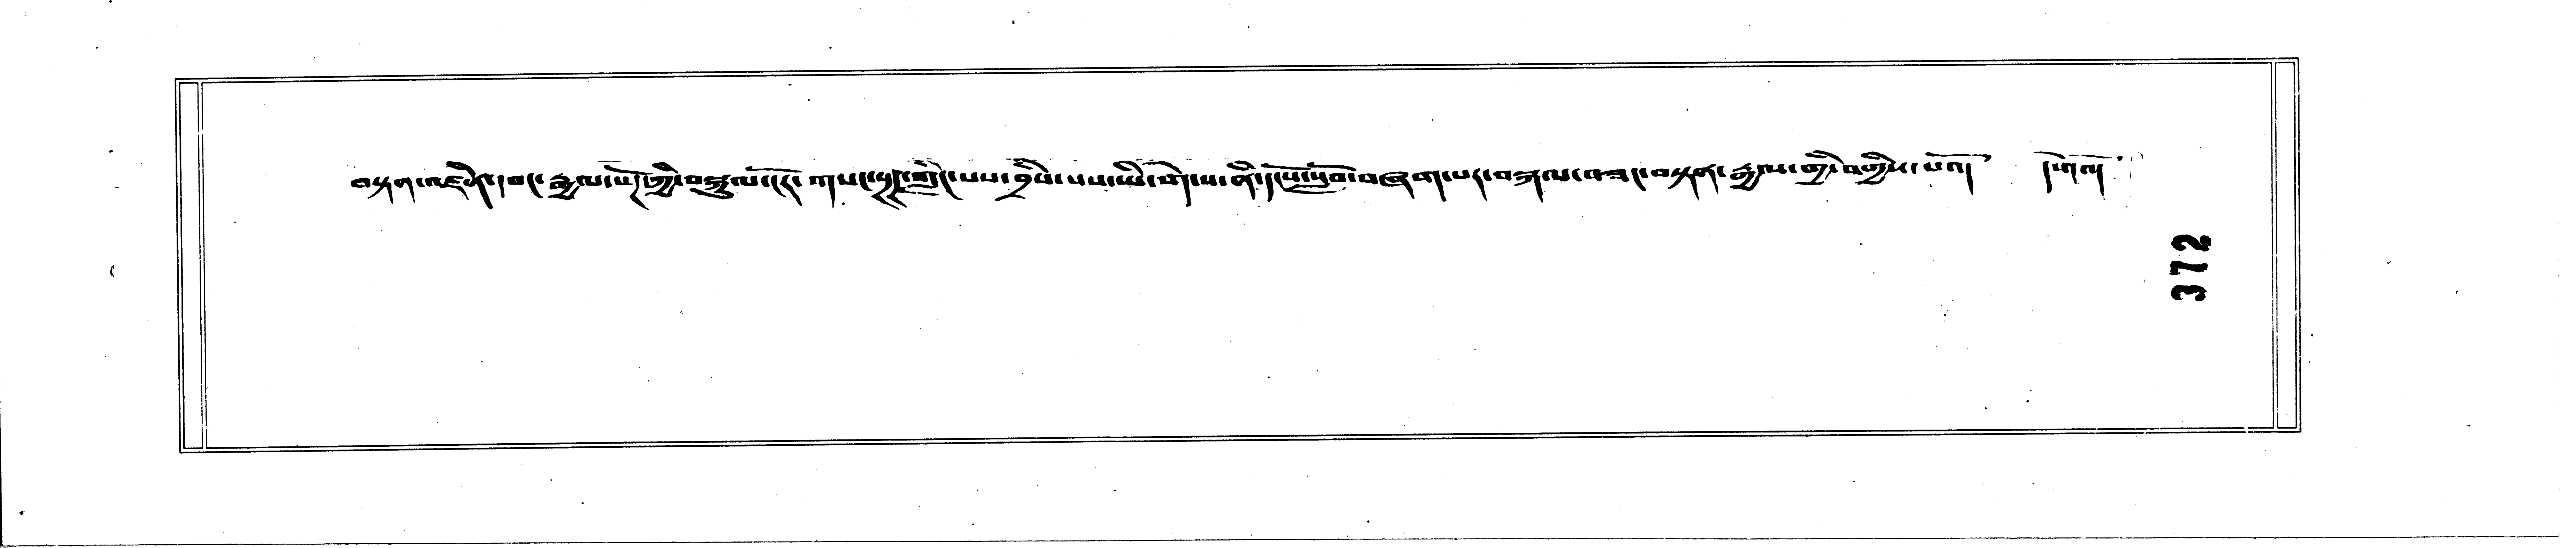བསྟན་འཛིན་དབང་རྒྱལ་སོགས་ཀྱི་བསྐུལ་ངོར་གསང་སྔགས་གླིང་པས་བྲིས་པས་ཡི་གེ་པ་ནི་དངོས་སློབ་བཞག་པར་བསྐལ་བཟང་བསྟན་རྒྱལ་གྱིས་བགྱིས་པའོ། དགེའོ།